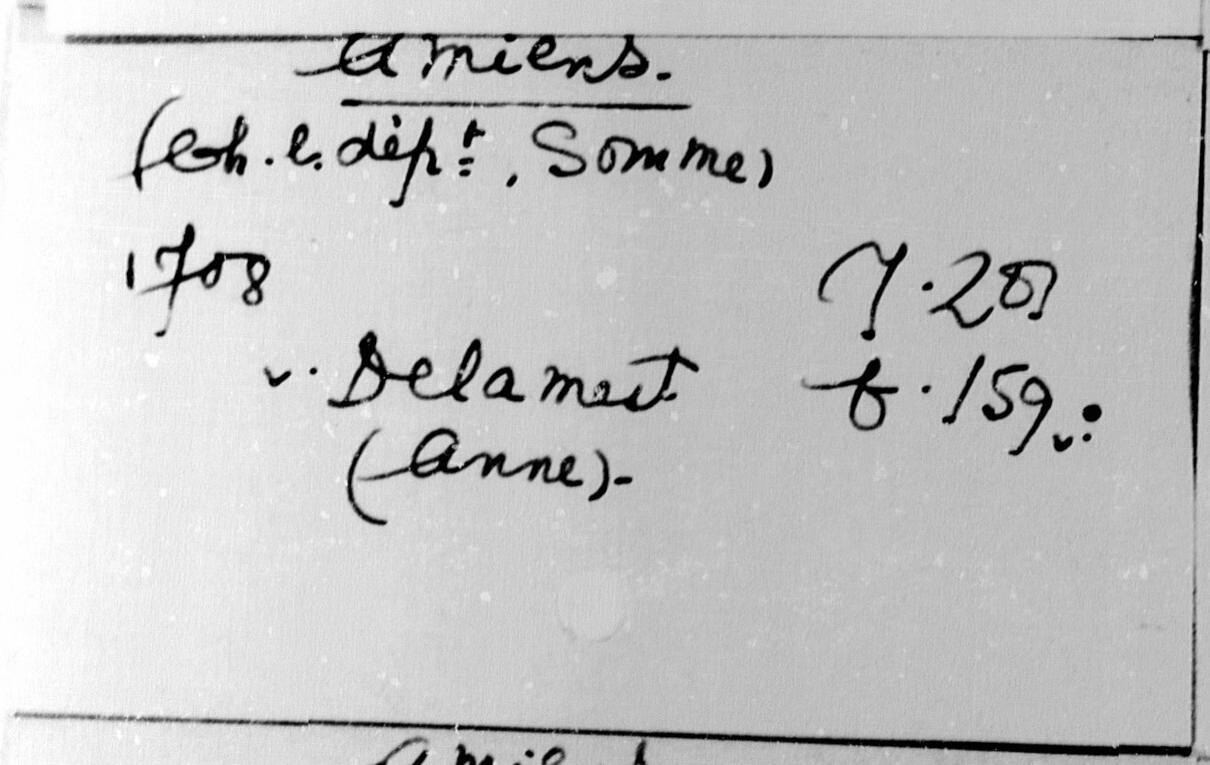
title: Amiens (Chef-lieu département, Somme)
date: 1708
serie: Y
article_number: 281
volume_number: folio 159 verso
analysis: Voir Delamert (Anne)
